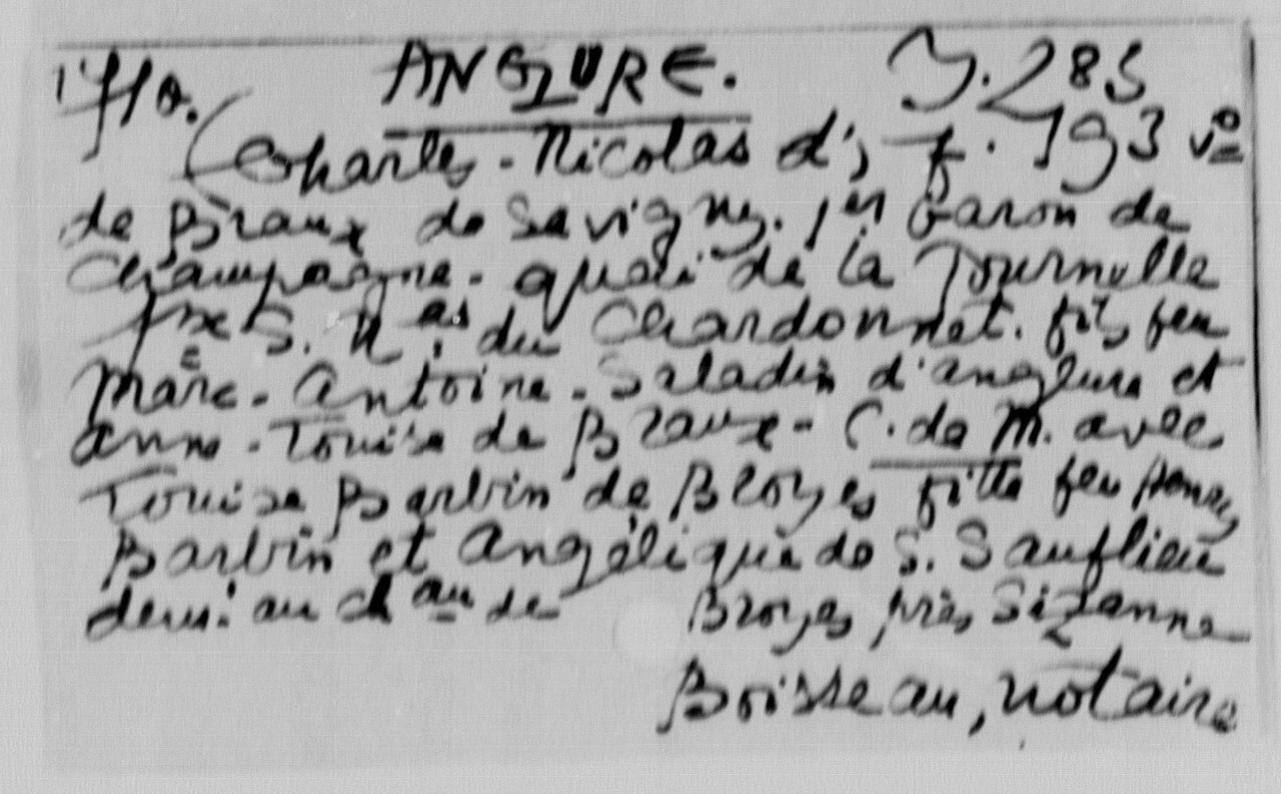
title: ANGLURE (Charles-Nicolas d')
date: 1710
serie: Y
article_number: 283
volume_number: fol. 193v
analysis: de Braux de Savigny. Premier garçon (sic) de Champagne. Quai de la Tournelle, paroisse Saint-Nicolas-du-Chardonnet. Fils feu Marc-Antoine Saladin d'Engluer et Anne-Louis de Braux. Contrat de mariage avec Louis Bertin de Bloyes, fille feu Henry Barbin et Angélique de Saint-Sauflieu, demeurant au château de Broyes, près Sizanne. Boisseau, notaire
